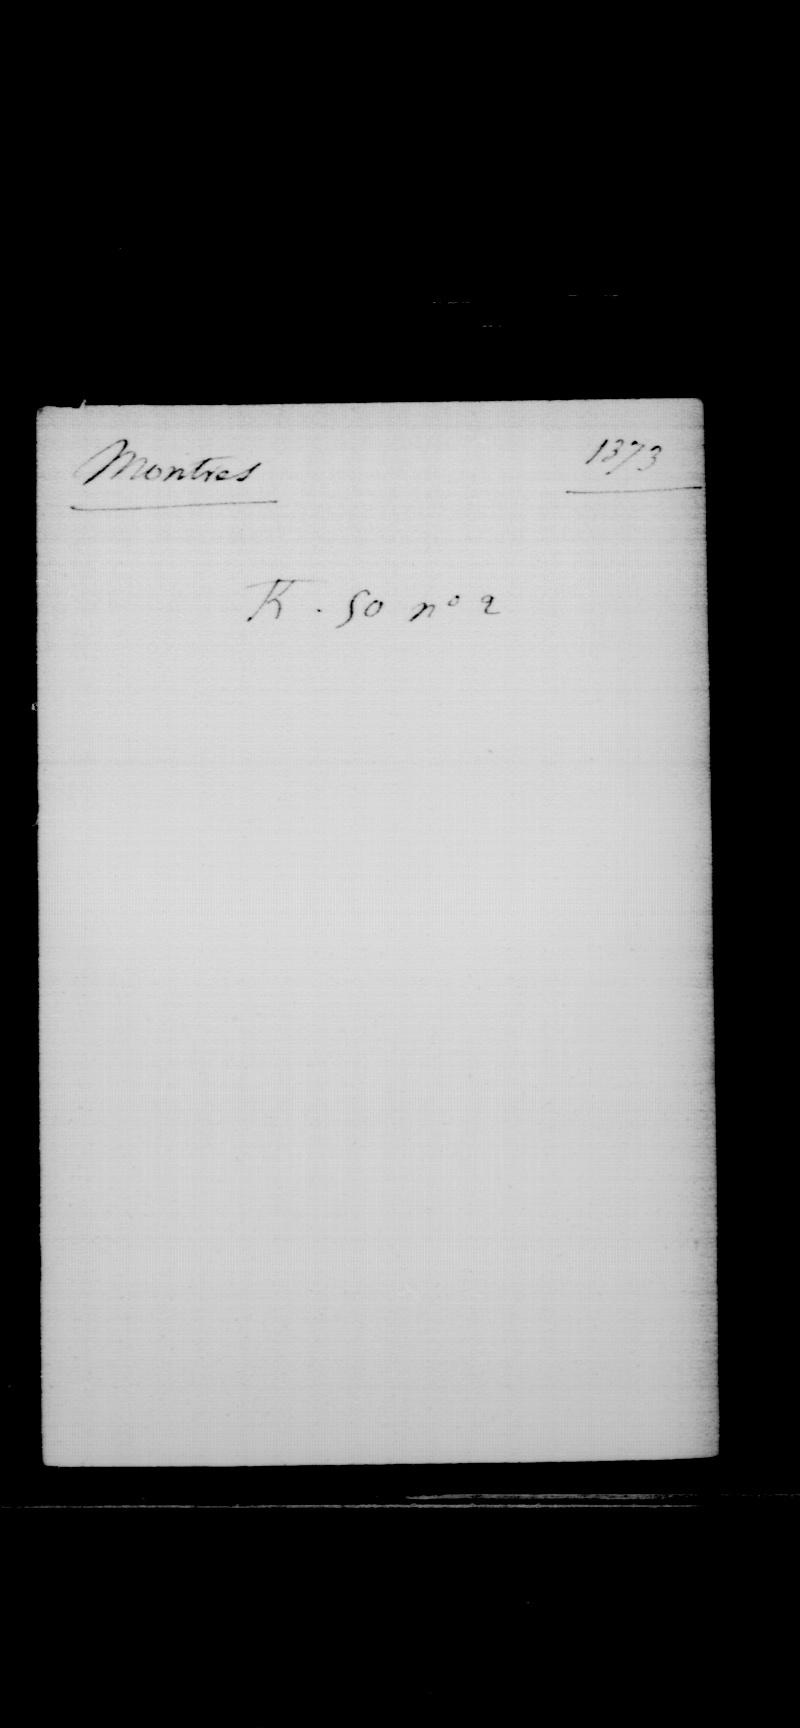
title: Montres
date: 1373
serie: K
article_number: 50
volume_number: n° 2
